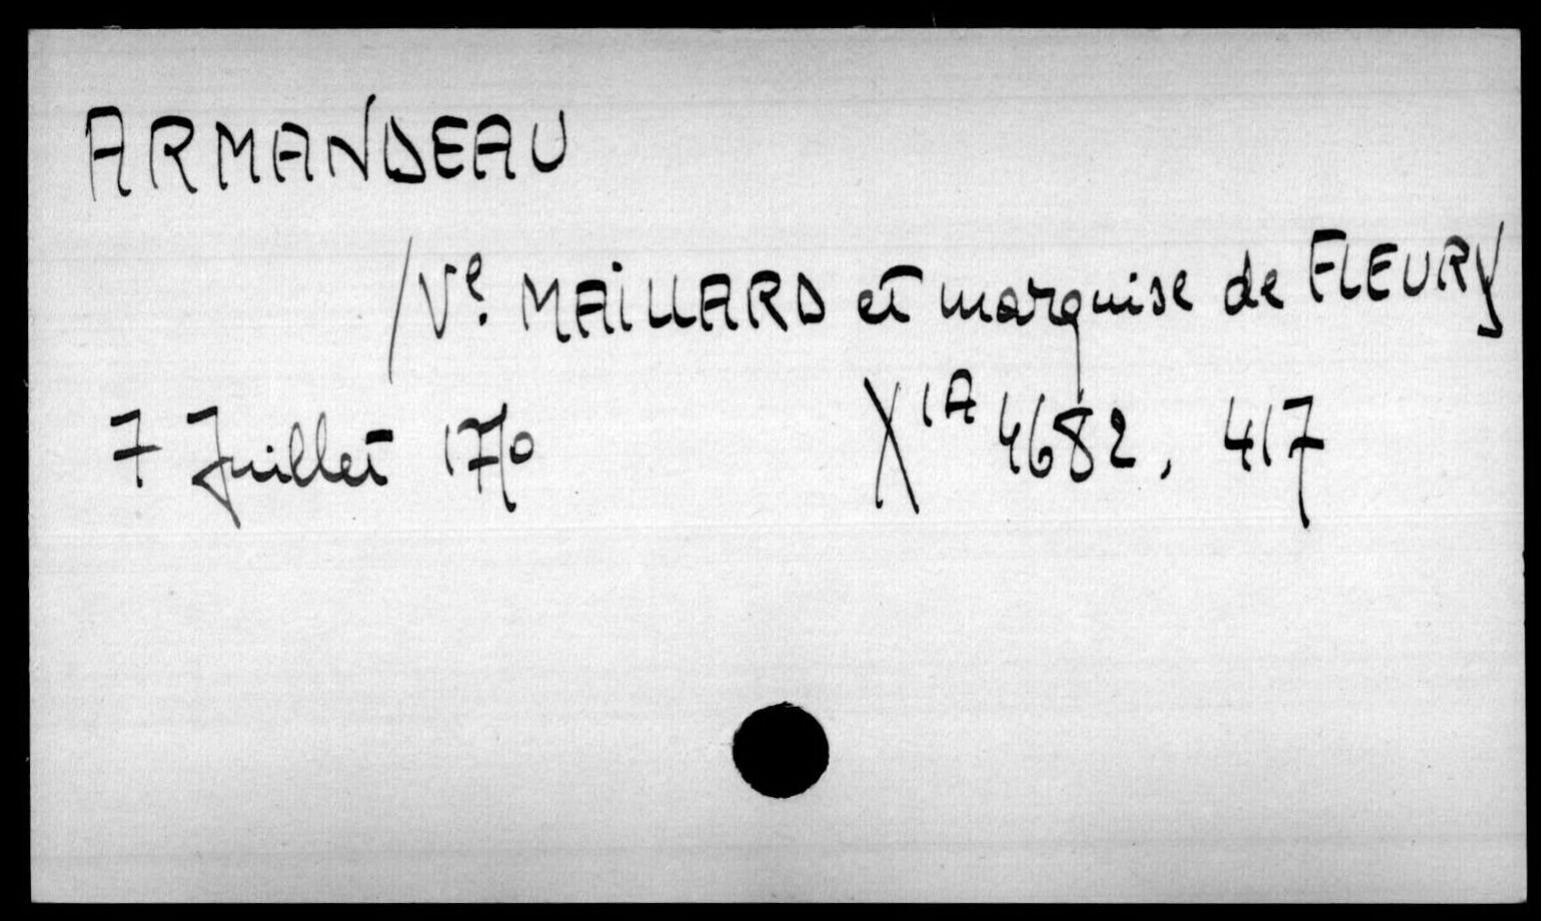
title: ARMANDEAU
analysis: Contre veuve MAILLARD et marquise de FLEURY
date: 7 juillet 1770
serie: X1A
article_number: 4682
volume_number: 417
